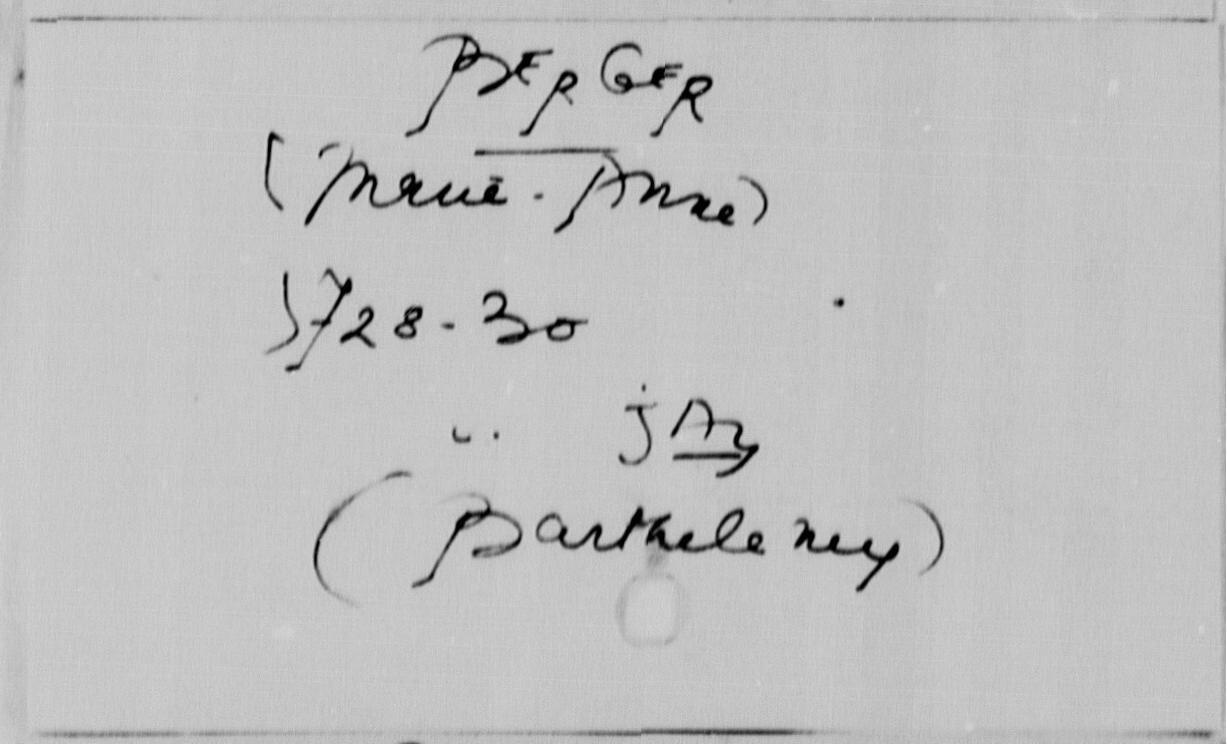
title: BERGER (Marie-Anne)
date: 1728-1730
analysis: Voir : JAY (Barthélemy)
